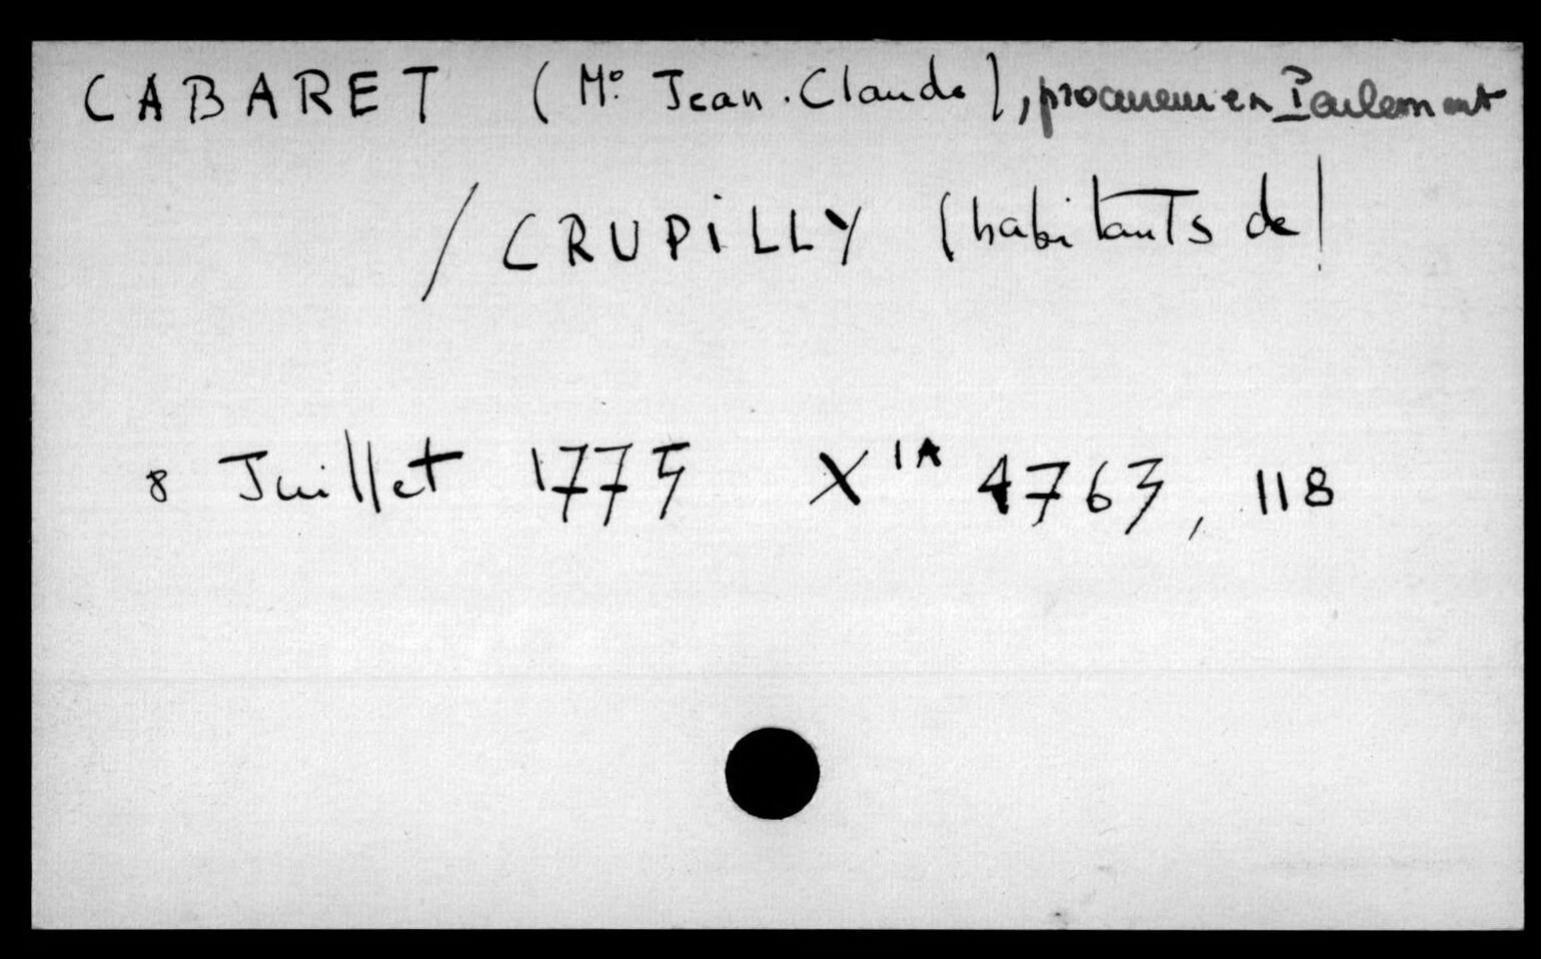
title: CABARET (Maître Jean Claude), procureur en Parlement
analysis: Contre CRUPILLY (habitants de)
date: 8 juillet 1775
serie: X1A
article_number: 4763
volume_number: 118
